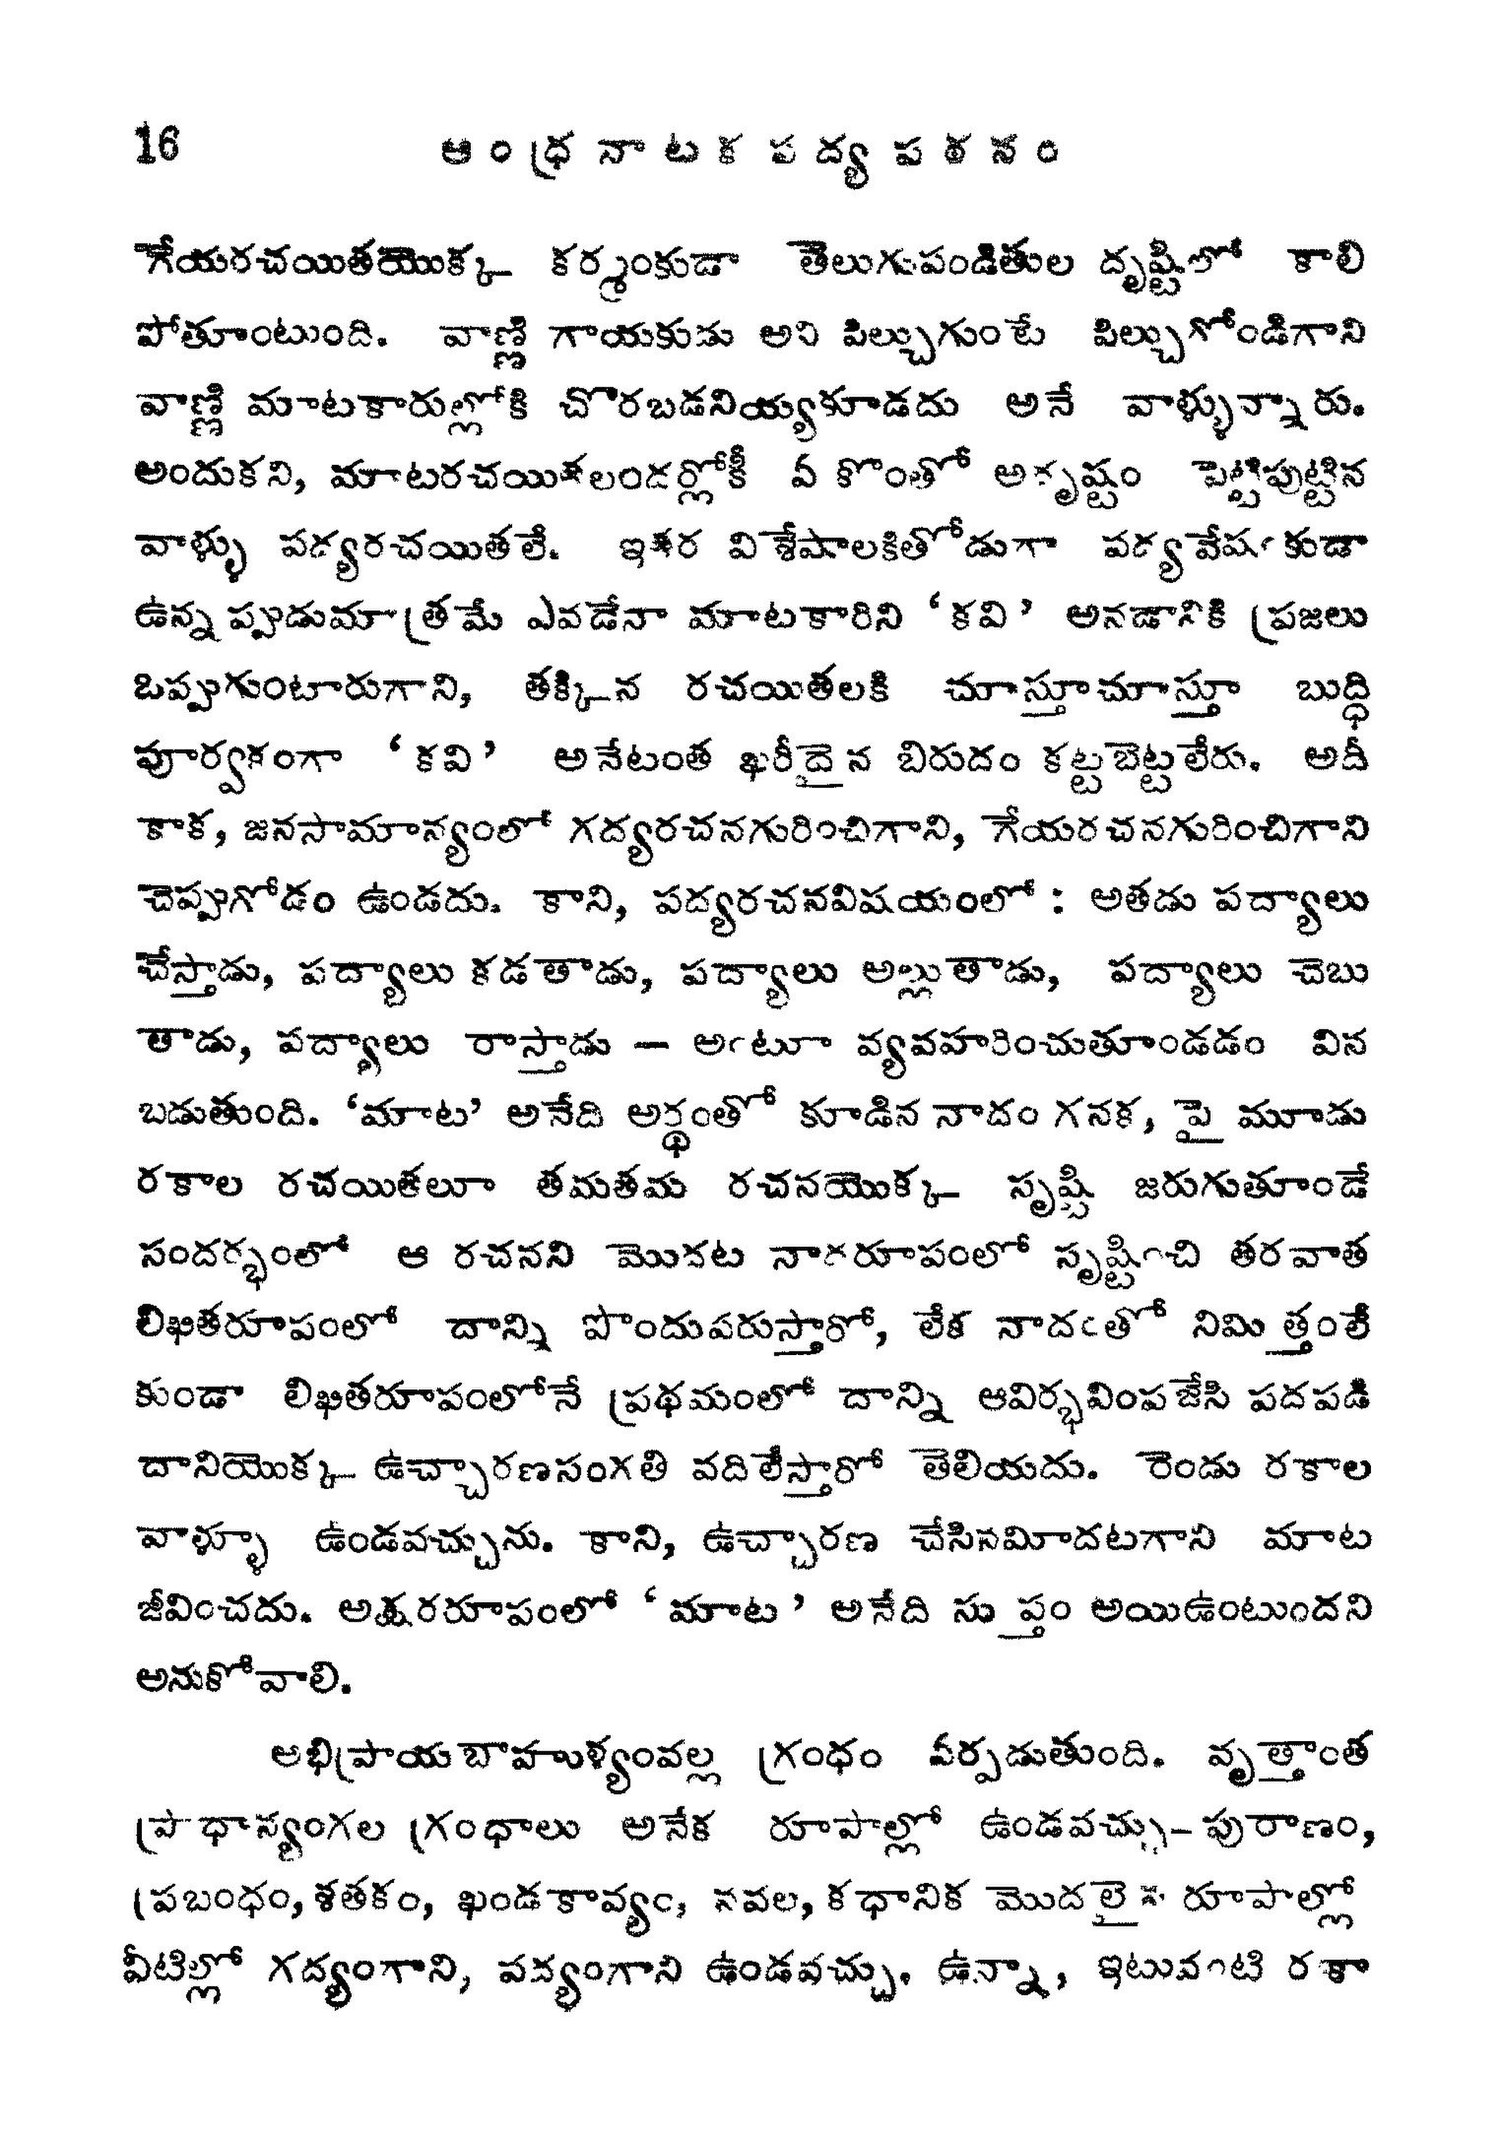గేయరచయితయొక్క కర్మంకుడా తెలుగుపండితుల దృష్టిలో కాలి
పోతూంటుంది. వాణ్ణి గాయకుడు అని పిల్చుగుంటే పిల్చుగోండిగాని
వాణ్ణి మాటకారుల్లోకి చొరబడనియ్యకూడదు అనే వాళ్ళున్నారు.
అందుకని, మాటరచయితలందర్లోకీ ఏ కొంతో అదృష్టం పెట్టిపుట్టిన
వాళ్ళు పద్యరచయితలే. ఇతర విశేషాలకితోడుగా పద్యవేషంకుడా
ఉన్నప్పుడుమాత్రమే ఎవడేనా మాటకారిని 'కవి' అనడానికి ప్రజలు
ఒప్పుగుంటారుగాని, తక్కిన రచయితలకి చూస్తూచూస్తూ బుద్ధి
పూర్వకంగా 'కవి' అనేటంత ఖరీదైన బిరుదం కట్టబెట్టలేరు. అదీ
కాక, జనసామాన్యంలో గద్యరచనగురించిగాని, గేయరచనగురించిగాని
చెప్పుగోడం ఉండదు. కాని, పద్యరచనవిషయంలో: అతడు పద్యాలు
చేస్తాడు, పద్యాలు కడతాడు, పద్యాలు అల్లుతాడు, పద్యాలు చెబు
తాడు, పద్యాలు రాస్తాడు - అంటూ వ్యవహరించుతూండడం విన
బడుతుంది. 'మాట' అనేది అర్థంతో కూడిన నాదం గనక, పై మూడు
రకాల రచయితలూ తమతమ రచనయొక్క సృష్టి జరుగుతూండే
సందర్భంలో ఆ రచనని మొదట నాదరూపంలో సృష్టించి తరవాత
లిఖితరూపంలో దాన్ని పొందుపరుస్తారో, లేక నాదంతో నిమిత్తంలే
కుండా లిఖితరూపంలోనే ప్రథమంలో దాన్ని ఆవిర్భవింపజేసి పదపడి
దానియొక్క ఉచ్చారణసంగతి వదిలేస్తారో తెలియదు. రెండు రకాల
వాళ్ళూ ఉండవచ్చును. కాని, ఉచ్చారణ చేసినమీదటగాని మాట
జీవించదు. అక్షరరూపంలో 'మాట' అనేది సుప్తం అయిఉంటుందని
అనుకోవాలి.

అభిప్రాయబాహుళ్యంవల్ల గ్రంధం ఏర్పడుతుంది. వృత్తాంత
ప్రాధాన్యంగల గ్రంధాలు అనేక రూపాల్లో ఉండవచ్చు- పురాణం,
ప్రబంధం, శతకం, ఖండకావ్యం, నవల, కధానిక మొదలైన రూపాల్లో
వీటిల్లో గద్యంగాని, పద్యంగాని ఉండవచ్చు, ఉన్నా, ఇటువంటి రకా